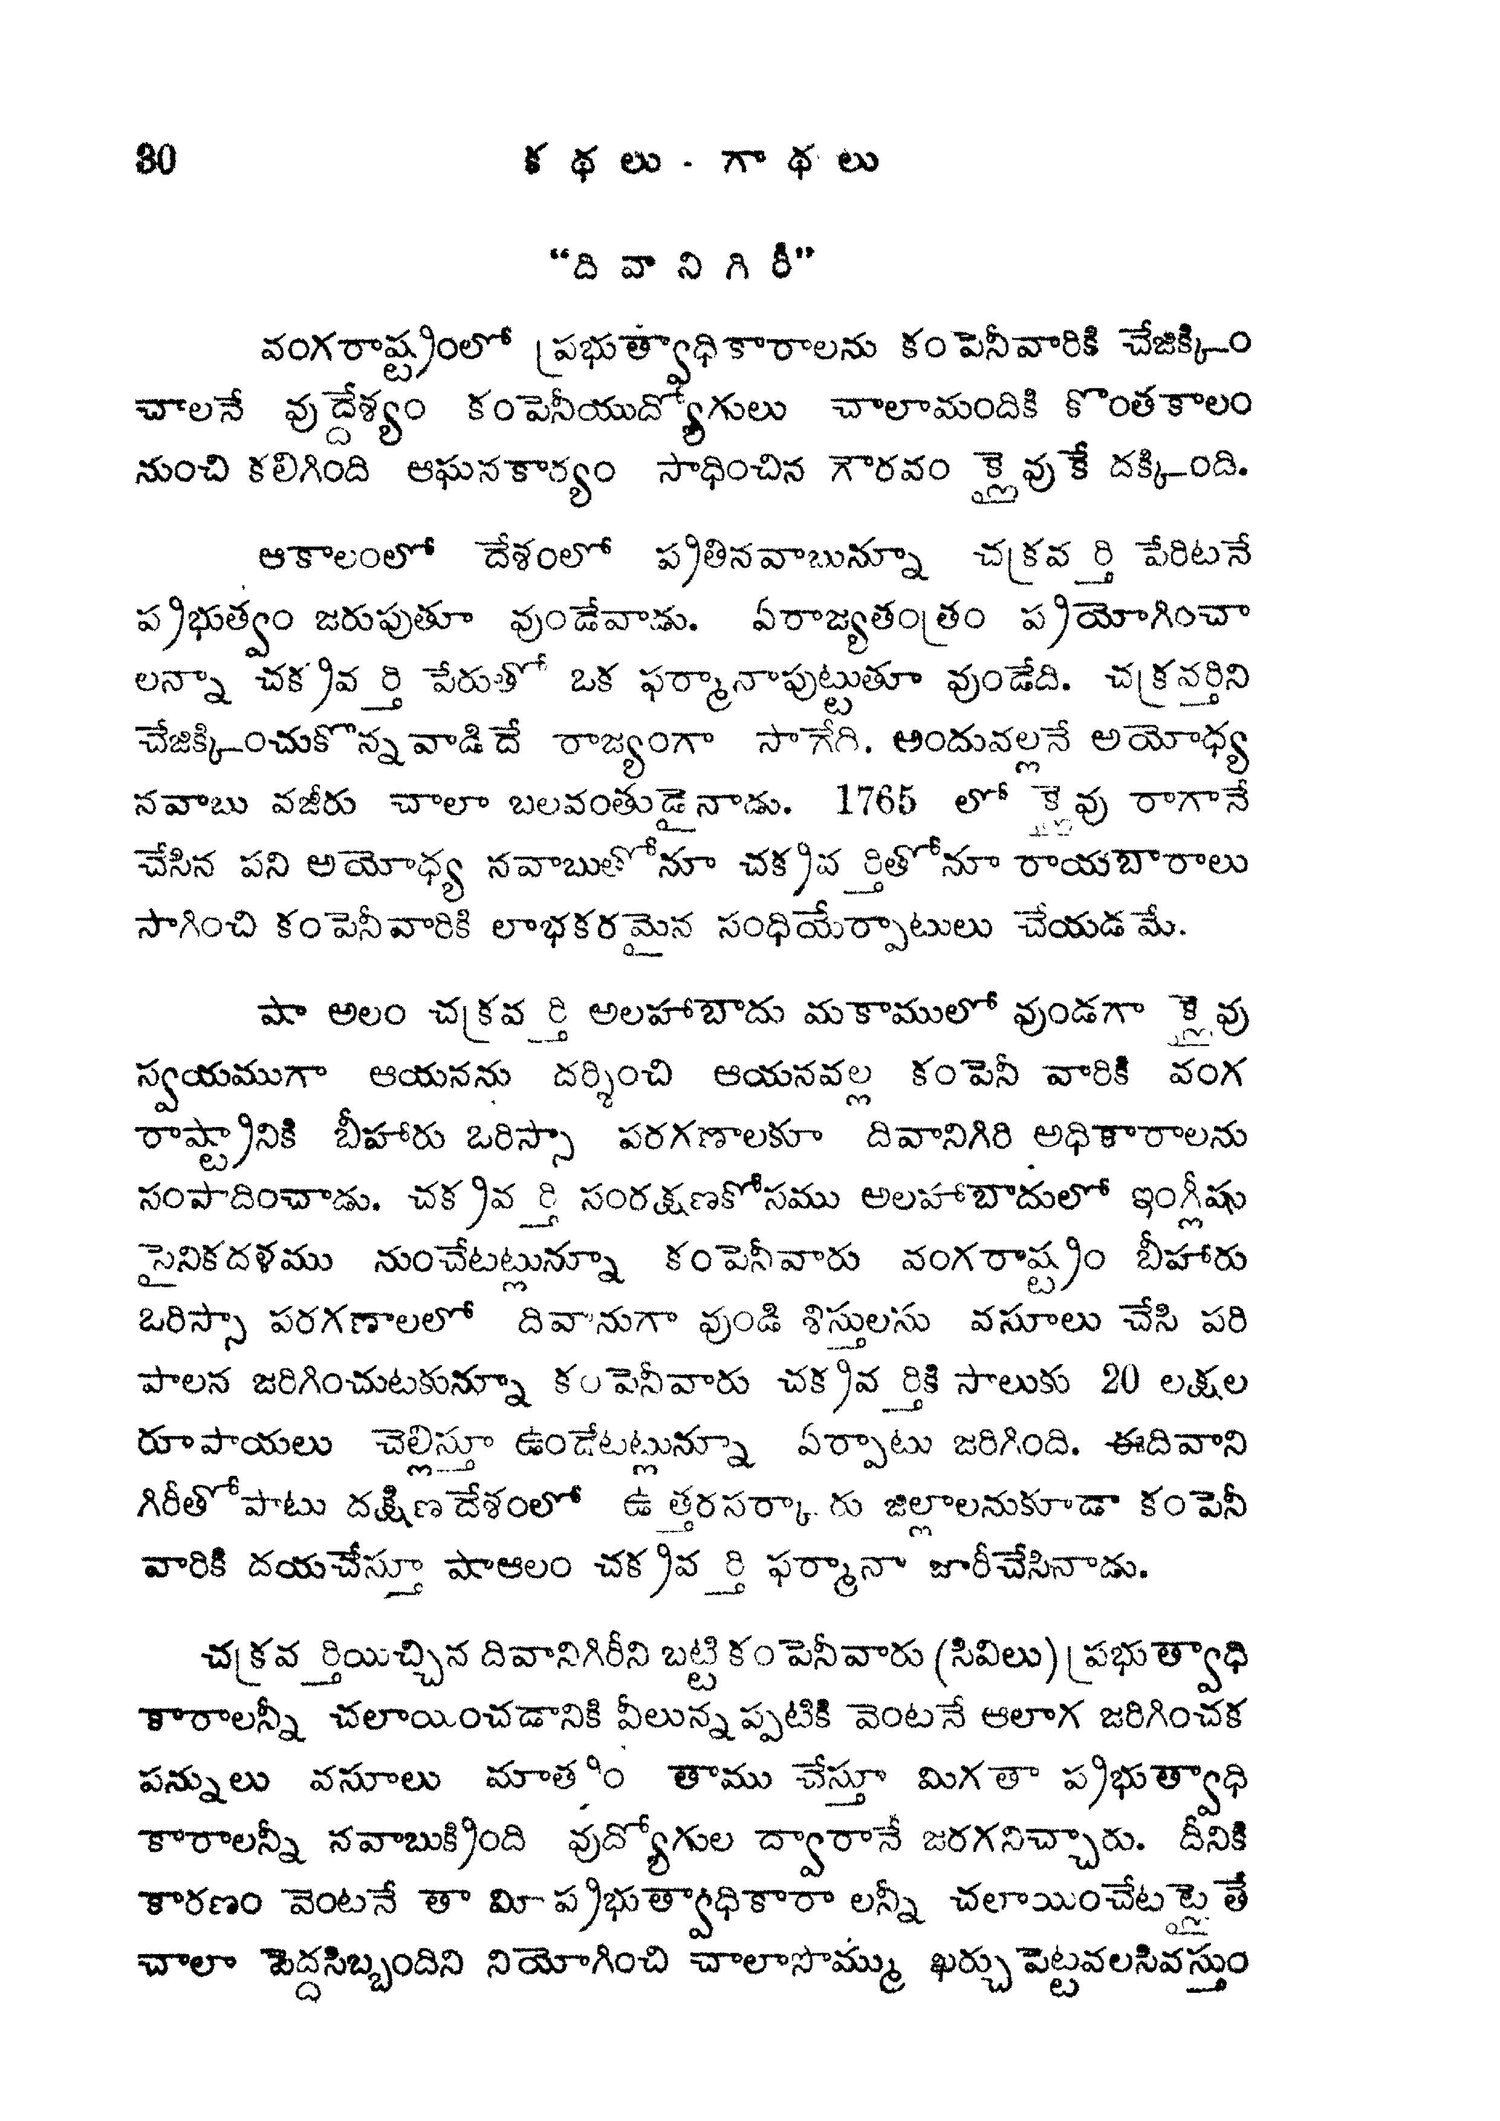వంగరాష్ట్రంలో ప్రభుత్వాధికారాలను కంపెనీవారికి చేజిక్కించాలనే వుద్దేశ్వం కంపెనీయుద్యోగులు చాలామందికి కొంతకాలం నుంచి కలిగింది. ఆఘనకార్యం సాధించిన గౌరవం క్లైవుకే దక్కింది.

ఆకాలంలో దేశంలో ప్రతినవాబున్నూ చక్రవర్తి పేరిటనే ప్రభుత్వం జరుపుతూ వుండేవారు. ఏరాజ్యతంత్రం ప్రయోగించాలన్నా చక్రవర్తి పేరుతో ఒక ఫర్మానా పుట్టుతూ వుండేది. చక్రవర్తిని చేజిక్కించుకొన్నవాడిదే రాజ్యంగా సాగేది. అందువల్లనే అయోధ్య నవాబు వజీరు చాలా బలవంతుడైనాడు. 1763 లో క్లైవు రాగానే చేసిన పని అయోధ్య నవాబుతోనూ చక్రవర్తితోనూ రాయబారాలు సాగించి కంపెనీవారికి లాభకరమైన సంధియేర్పాటులు చేయడమే.

షా ఆలం చక్రవర్తి అలహాబాదు మకాములో వుండగా క్లైవు స్వయముగా ఆయనను దర్శించి ఆయనవల్ల కంపెనీ వారికి వంగరాష్ట్రానికి బీహారు ఒరిస్సా పరగణాలకూ దివానిగిరి అధికారాలను సంపాదించాడు. చక్రవర్తి సంరక్షణకోసము అలహాబాదులో ఇంగ్లీషు సైనికదళము నుంచేటట్లున్నూ కంపెనీవారు వంగరాష్ట్రం బీహారు ఒరిస్సా పరగణాలలో దివానుగా వుండి శిస్తులను వసూలు చేసి పరిపాలన జరిగించుటకున్నూ కంపెనీవారు చక్రవర్తికి సాలుకు 20 లక్షల రూపాయలు చెలీస్తూ ఉండేటట్లున్నూ ఏర్పాటు జరిగింది ఈదివానిగిరీతోపాటు దక్షిణదేశంలో ఉత్తరసర్కారు జిల్లాలనుకూడా కంపెనీ వారికి దయచేస్తూ షాఆలం చక్రవర్తి ఫర్మానా జారీచేసినాడు.

చక్రవర్తియిచ్చిన దివానిగిరీని బట్టి కంపనీవారి (సివిలు) ప్రభుత్వాధికారాలన్నీ చలాయించడానికి వీలున్నప్పటికి వెంటనే అలాగ జరిగించక పన్నులు వసూలు మాత్రం తాము చేస్తూ మిగతా ప్రభుత్వాధికారాలన్నీ నవాబుక్రింది వుద్యోగుల ద్వారానే జరగనిచ్చారు. దీనికి కారణం వెంటనే తా మీప్రభుత్వాధికారాలన్నీ చలాయించేటట్లైతే చాలా పెద్దసిబ్బందిని నియోగించి చాలాసొమ్ము ఖర్చుపెట్టవలసివస్తుం